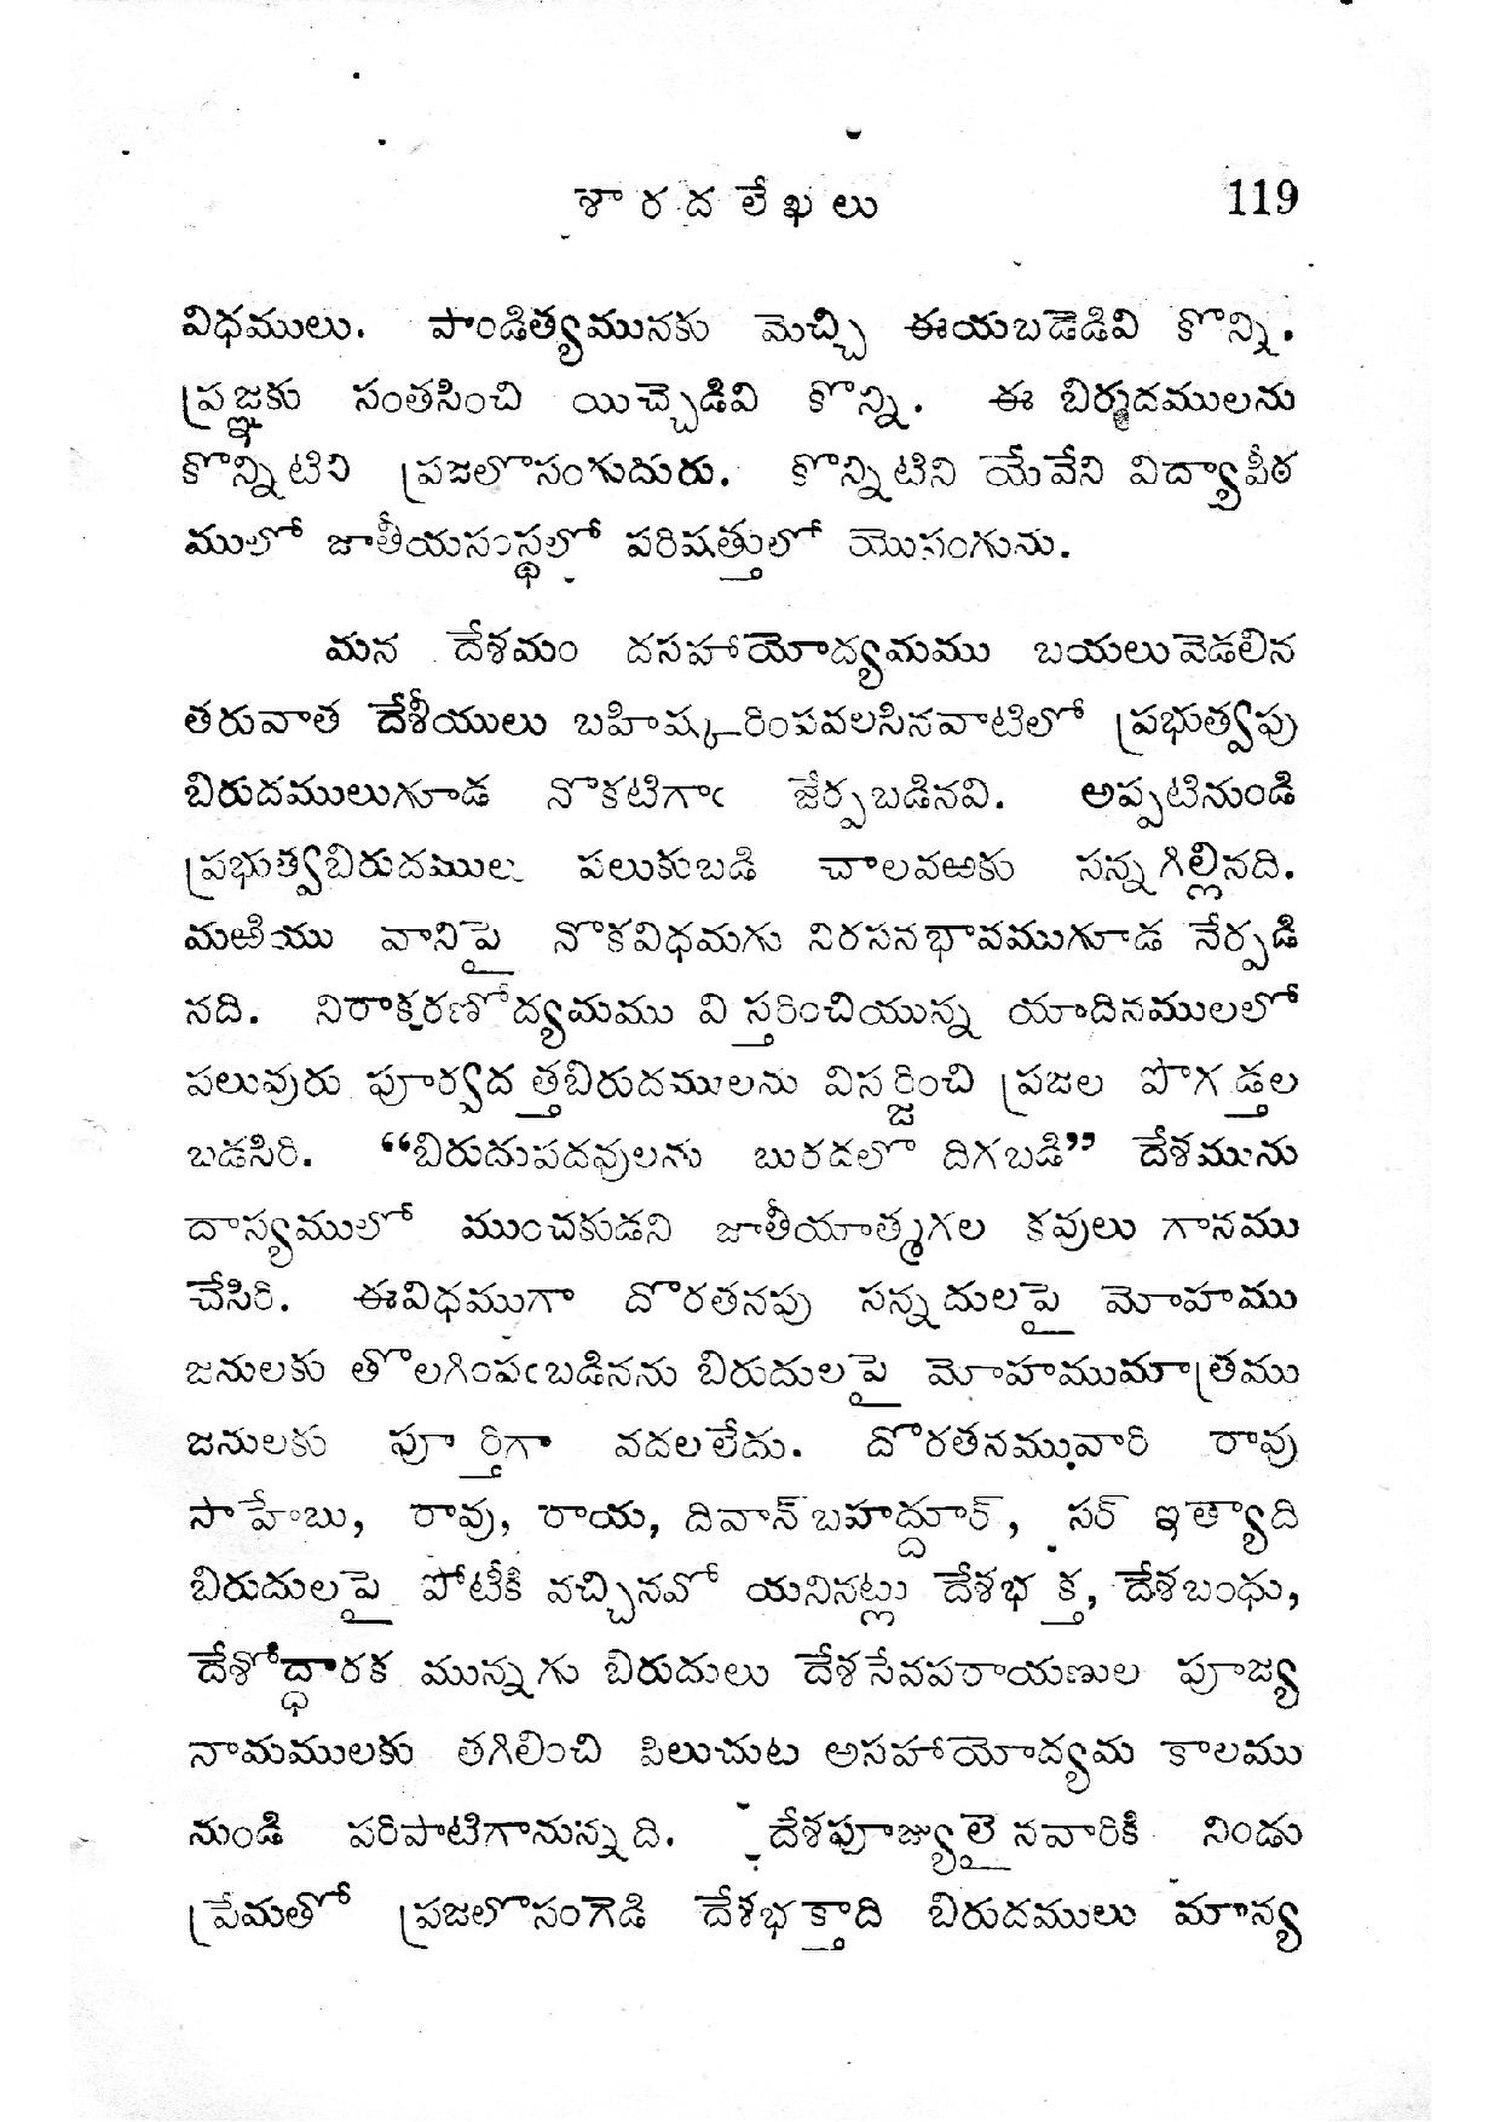విధములు. పాండిత్యమునకు మెచ్చి ఈయబడెడివి కొన్ని. ప్రజ్ఞకు సంతసించి యిచ్చెడివి కొన్ని. ఈ బిరుదములను కొన్నిటిని ప్రజలొసంగుదురు. కొన్నిటిని యేవేని విద్యాపీఠములో జాతీయసంస్థలో పరిషత్తులో యొసంగును.

మన దేశమం దసహాయోద్యమము బయలు వెడలిన తరువాత దేశీయులు బహిష్కరింపవలసినవాటిలో ప్రభుత్వపు బిరుదములుగూడ నొకటిగాఁ జేర్పబడినవి. అప్పటినుండి ప్రభుత్వబిరుదములు పలుకుబడి చాలవఱకు సన్నగిల్లినది. మఱియు వానిపై నొకవిధమగు నిరసనభావముగూడ నేర్పడినది. నిరాకరణోద్యమము విస్తరించియున్న యాదినములలో పలువురు పూర్వదత్తబిరుదములను విసర్జించి ప్రజల పొగడ్తల బడసిరి. "బిరుదుపదవులను బురదలో దిగబడి" దేశమును దాస్యములో ముంచకుడని జాతీయాత్మగల కవులు గానము చేసిరి. ఈవిధముగా దొరతనపు సన్నదులపై మోహము జనులకు తొలగింపఁబడినను బిరుదులపై మోహముమాత్రము జనులకు పూర్తిగా వదలలేదు. దొరతనమువారి రావు
సాహేబు, రావు, రాయ, దివాన్ బహద్దూర్, సర్ ఇత్యాది బిరుదులపై పోటీకి వచ్చినవో యనినట్లు దేశభక్త, దేశబంధు, దేశోద్ధారక మున్నగు బిరుదులు దేశసేవపరాయణుల పూజ్యనామములకు తగిలించి పిలుచుట అసహాయోద్యమ కాలమునుండి పరిపాటిగానున్నది. దేశపూజ్యులైనవారికి నిండుప్రేమతో ప్రజలొసంగెడి దేశభక్తాది బిరుదములు మాన్య